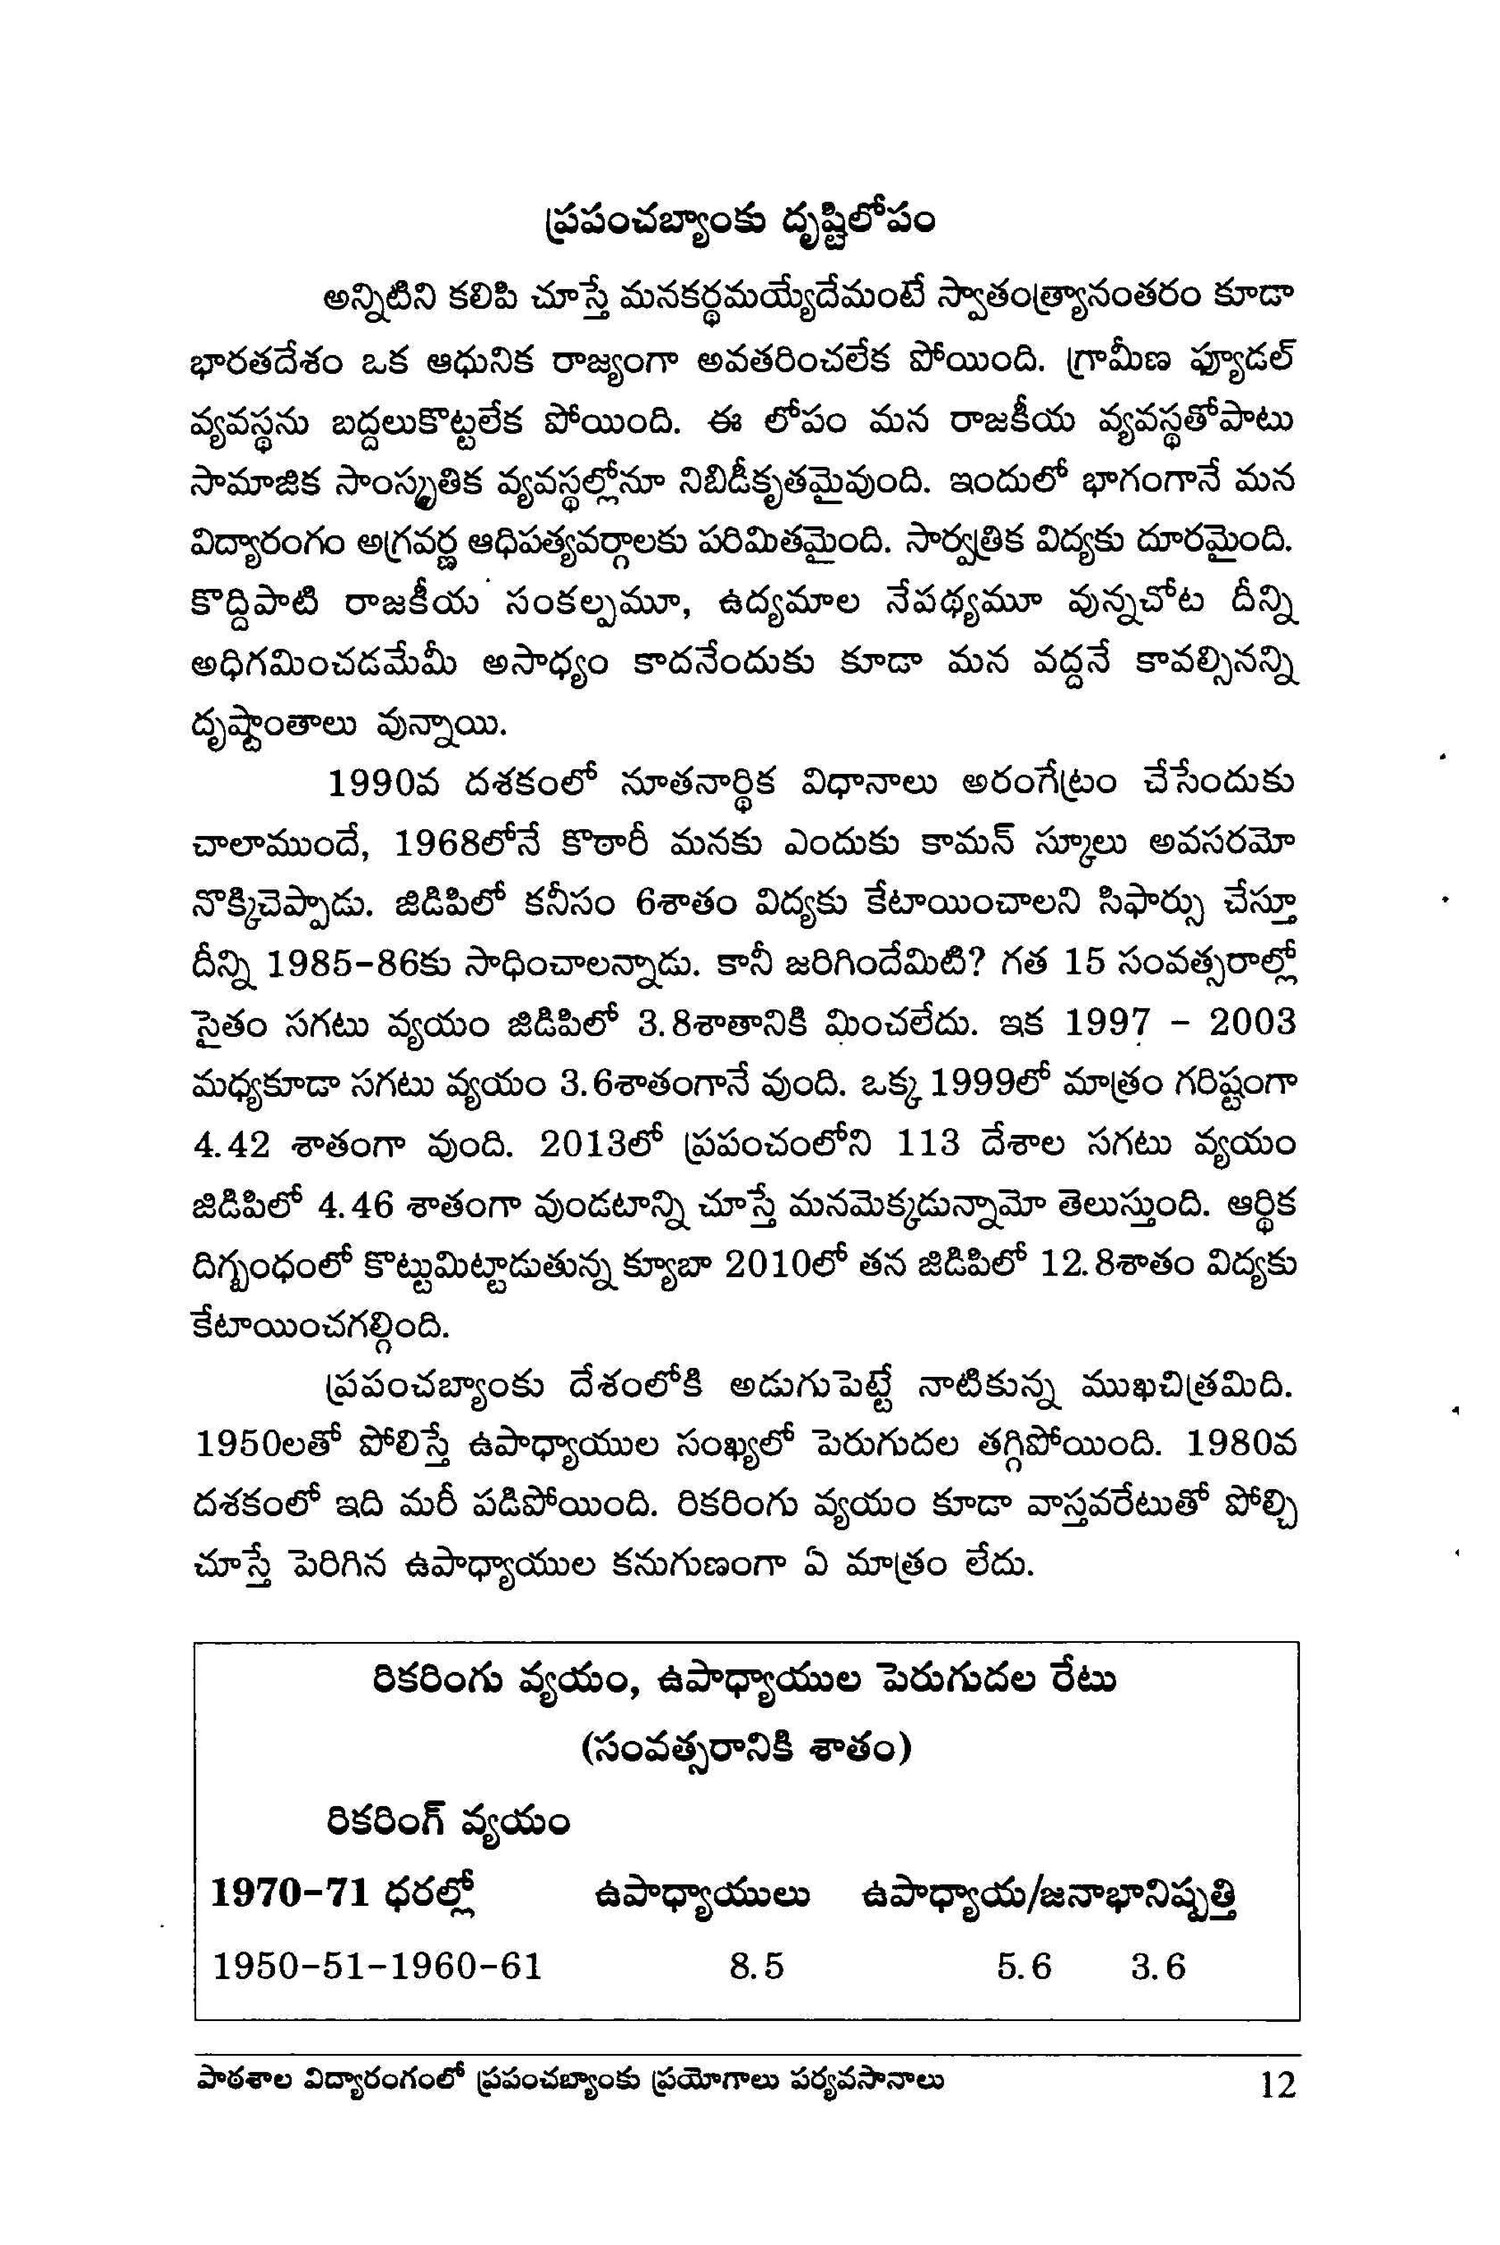ప్రపంచ బ్యాంకు దృష్టిలోపం

అన్నిటిని కలిపి చూసినప్పుడు మనకు అర్థమవుతుందేమంటే, స్వాతంత్ర్యానంతరం కూడా భారతదేశం ఒక ఆధునిక రాజ్యంగా అవతరించలేకపోయింది. గ్రామీణ ఫ్యూడల్ వ్యవస్థను బద్దలుకొట్టలేకపోయింది. ఈ లోపం మన రాజకీయ వ్యవస్థతో పాటు సామాజిక, సాంస్కృతిక వ్యవస్థలలోనూ నిబిడీకృతంగా ఉంది. ఇందులో భాగంగానే మన విద్యారంగం అగ్రవర్ణ ఆధిపత్య వర్గాలకు పరిమితమై ఉంది. సార్వత్రిక విద్యకు దూరమైంది. కొద్దిపాటి రాజకీయ సంకల్పమూ, ఉద్యమాల నేపథ్యమూ ఉన్న చోట దీనిని అధిగమించడం అసాధ్యం కాదు అని మన వద్దనే కావలసినన్ని దృష్టాంతాలు ఉన్నాయి.

1990వ దశకంలో నూతన ఆర్థిక విధానాలు ప్రవేశపెట్టేందుకు చాలాముందే, 1968లోనే కొఠారీ కమిషన్ మనకు ఎందుకు కామన్ స్కూలు అవసరమో నొక్కిచెప్పింది. జిడిపిలో కనీసం 6 శాతం విద్యకు కేటాయించాలని సిఫార్సు చేసి, దీన్ని 1985-86కి సాధించాలన్నది. కానీ జరిగిందేమిటి? గత 15 సంవత్సరాలలో సగటు వ్యయం జిడిపిలో 3.8 శాతం కంటే మించలేదు. 1997-2003 మధ్య కూడా సగటు వ్యయం 3.6 శాతం ఉండింది. ఒక్క 1999లో మాత్రం గరిష్టంగా 4.42 శాతంగా ఉండింది. 2013లో ప్రపంచంలోని 113 దేశాల సగటు వ్యయం జిడిపిలో 4.46 శాతంగా ఉండటాన్ని చూస్తే మనం ఎక్కడున్నామో తెలుస్తుంది. ఆర్థిక దిగ్బంధంలో కొట్టుమిట్టాడుతున్న క్యూబా 2010లో తన జిడిపిలో 12.8 శాతం విద్యకు కేటాయించగలిగింది.

ప్రపంచ బ్యాంకు దేశంలోకి అడుగుపెట్టే నాటికున్న ముఖచిత్రం ఇది. 1950లతో పోలిస్తే ఉపాధ్యాయుల సంఖ్యలో పెరుగుదల తగ్గిపోయింది. 1980వ దశకంలో ఇది మరింత పడిపోయింది. రికరింగ్ వ్యయాన్ని వాస్తవ రేటుతో పోల్చితే పెరిగిన ఉపాధ్యాయుల సంఖ్యకు అనుగుణంగా లేదు.

రికరింగ్ వ్యయం, ఉపాధ్యాయుల పెరుగుదల రేటు

రికరింగ్ వ్యయం
(సంవత్సరానికి శాతం)
1970-71 ధరల్లో

కాలం	ఉపాధ్యాయులు పెరుగుదల (%)	ఉపాధ్యాయులు/జనాభా నిష్పత్తి (%)
1950-51 నుండి 1960-61 వరకు	8.5	5.6
1960-61 నుండి 1970-71 వరకు	3.6	12